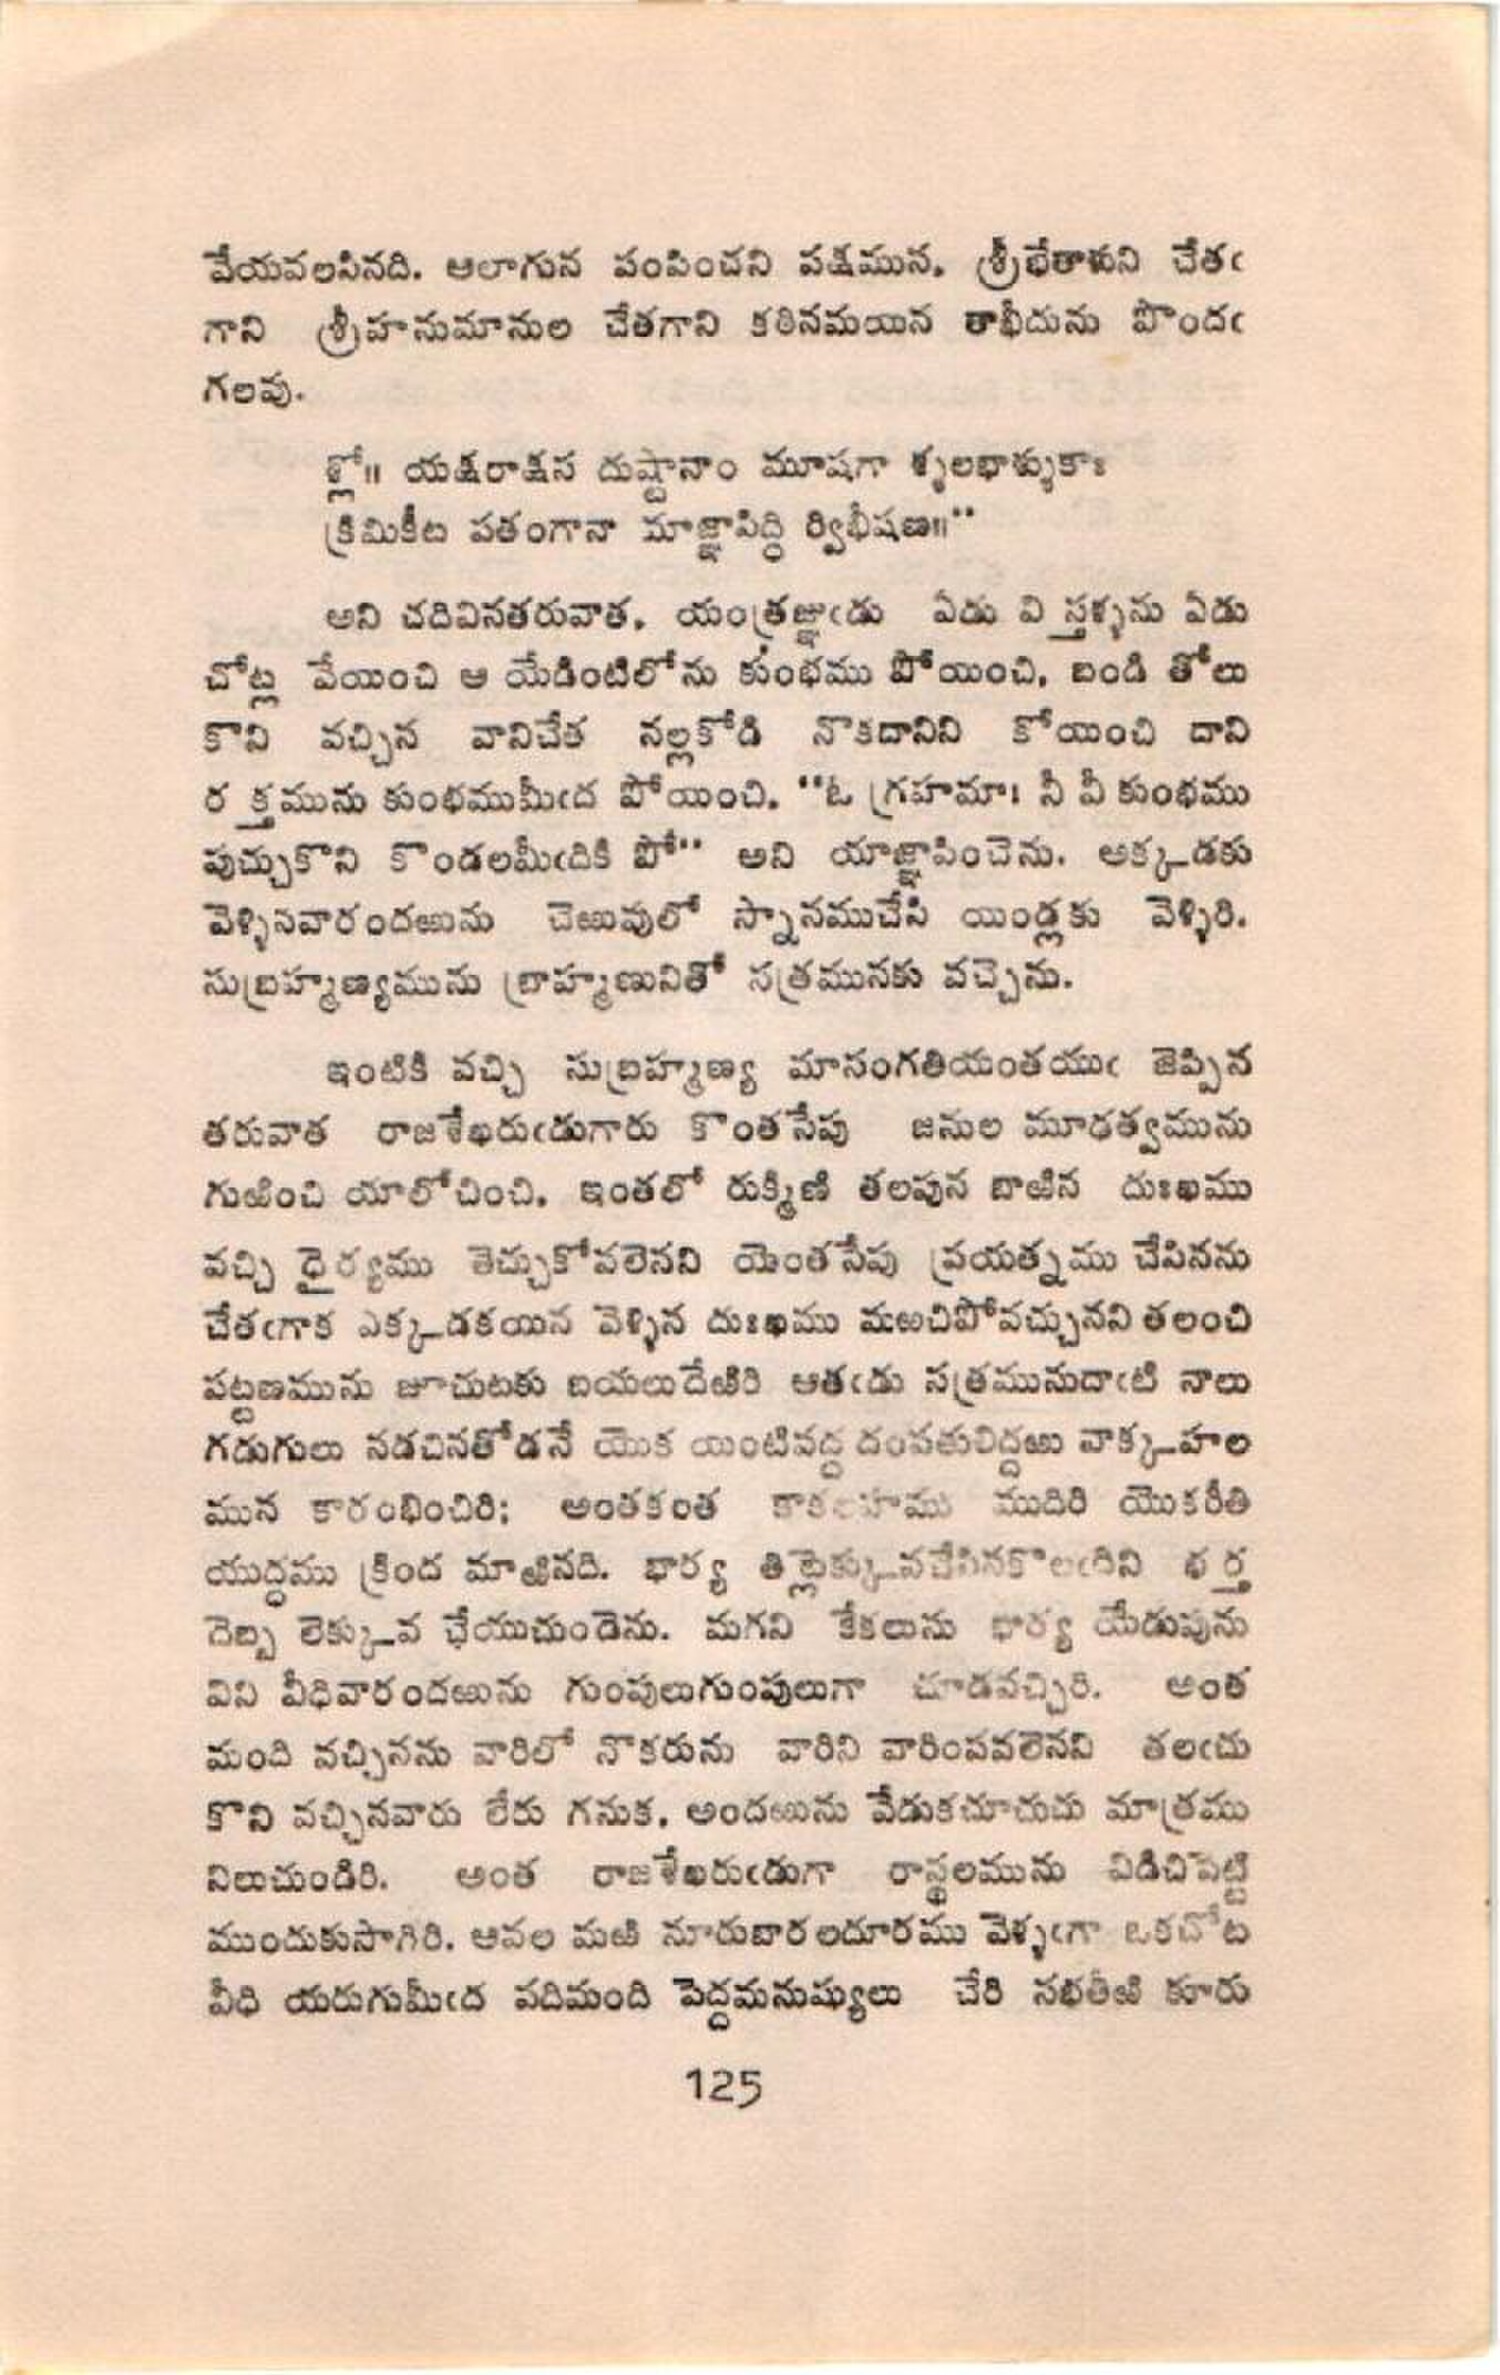వేయవలసినది. ఆలాగున పంపించని పక్షమున, శ్రీభేతాళుని చేతఁ గాని శ్రీహనుమానుల చేతగాని కఠినమయిన తాఖీదును పొందఁ గలవు.

 శ్లో॥యక్షరాక్షస దుష్టానాం మూషగా శ్శలభాశ్శుకా;
 క్రిమికీట పతంగానా మాజ్ఞాసిద్ది ర్విభీషణ॥"

అని చదివినతరువాత, యంత్రజ్ఞుడు ఏడు వి_స్తళ్ళను ఏడు చోట్ల వేయించి ఆ యేడింటిలోను కుంభము పోయించి, బండి తోలు కొని వచ్చిన వానిచేత నల్లకోడి నొకదానిని కోయించి దాని రక్తమును కుంభముమీఁద పోయించి, "ఓ గ్రహమా! నీ వీ కుంభము పుచ్చుకొని కొండలమీఁదికి పో" అని యాజ్ఞాపించెను. అక్కడకు వెళ్ళినవారందఱును చెఱువులో స్నానముచేసి యిండ్లకు వెళ్ళిరి. సుబ్రహ్మణ్యమును బ్రాహ్మణునితో సత్రమునకు వచ్చెను.

ఇంటికి వచ్చి సుబ్రహ్మణ్య మాసంగతియంతయఁ జెప్పిన తరువాత రాజశేఖరుఁడుగారు కొంతసేపు జనుల మూఢత్వమును గుఱించి యాలోచించి, ఇంతలో రుక్మిణి తలపున బాఱిన దుఃఖము వచ్చి దైర్యము తెచ్చుకోవలెనని యెంతసేపు ప్రయత్నము చేసినను చేతఁగాక ఎక్కడకయిన వెళ్ళిన దుఃఖము మఱచి పోవచ్చునని తలంచి పట్టణమును జూచుటకు బయలుదేఱిరి అతఁడు సత్రమునుదాఁటి నాలు గడుగులు నడచినతోడనే యొక యింటివద్ద దంపతులిద్దఱు వాక్కహల మున కారంభించిరి; అంతకంత కాకలహము ముదిరి యెుకరీతి యుద్ధము క్రింద మాఱినది. భార్య తిట్లెక్కువ చేసిన కొలదిని భర్త దెబ్బ లెక్కువ చేయుచుండెను. మగని కేకలను భార్య యేడుపును విని వీధివారందఱును గుంపులుగుంపులుగా చూడవచ్చిరి. అంత మంది వచ్చినను వారిలో నొకరును వారిని వారింపవలెనని తలఁచు కొని వచ్చినవారు లేరు గనుక, అందఱును వేడుకచూచుచు మాత్రము నిలుచుండిరి. అంత రాజశేఖరుఁడుగా రాస్థలమును విడిచిపెట్టి ముందుకుసాగిరి. ఆవల మఱి నూరుబారలదూరము వెళ్ళఁగా ఒకచోట వీధి యరుగుమీఁద పదిమంది పెద్దమనుష్యులు చేరి సభతీఱి కూరు